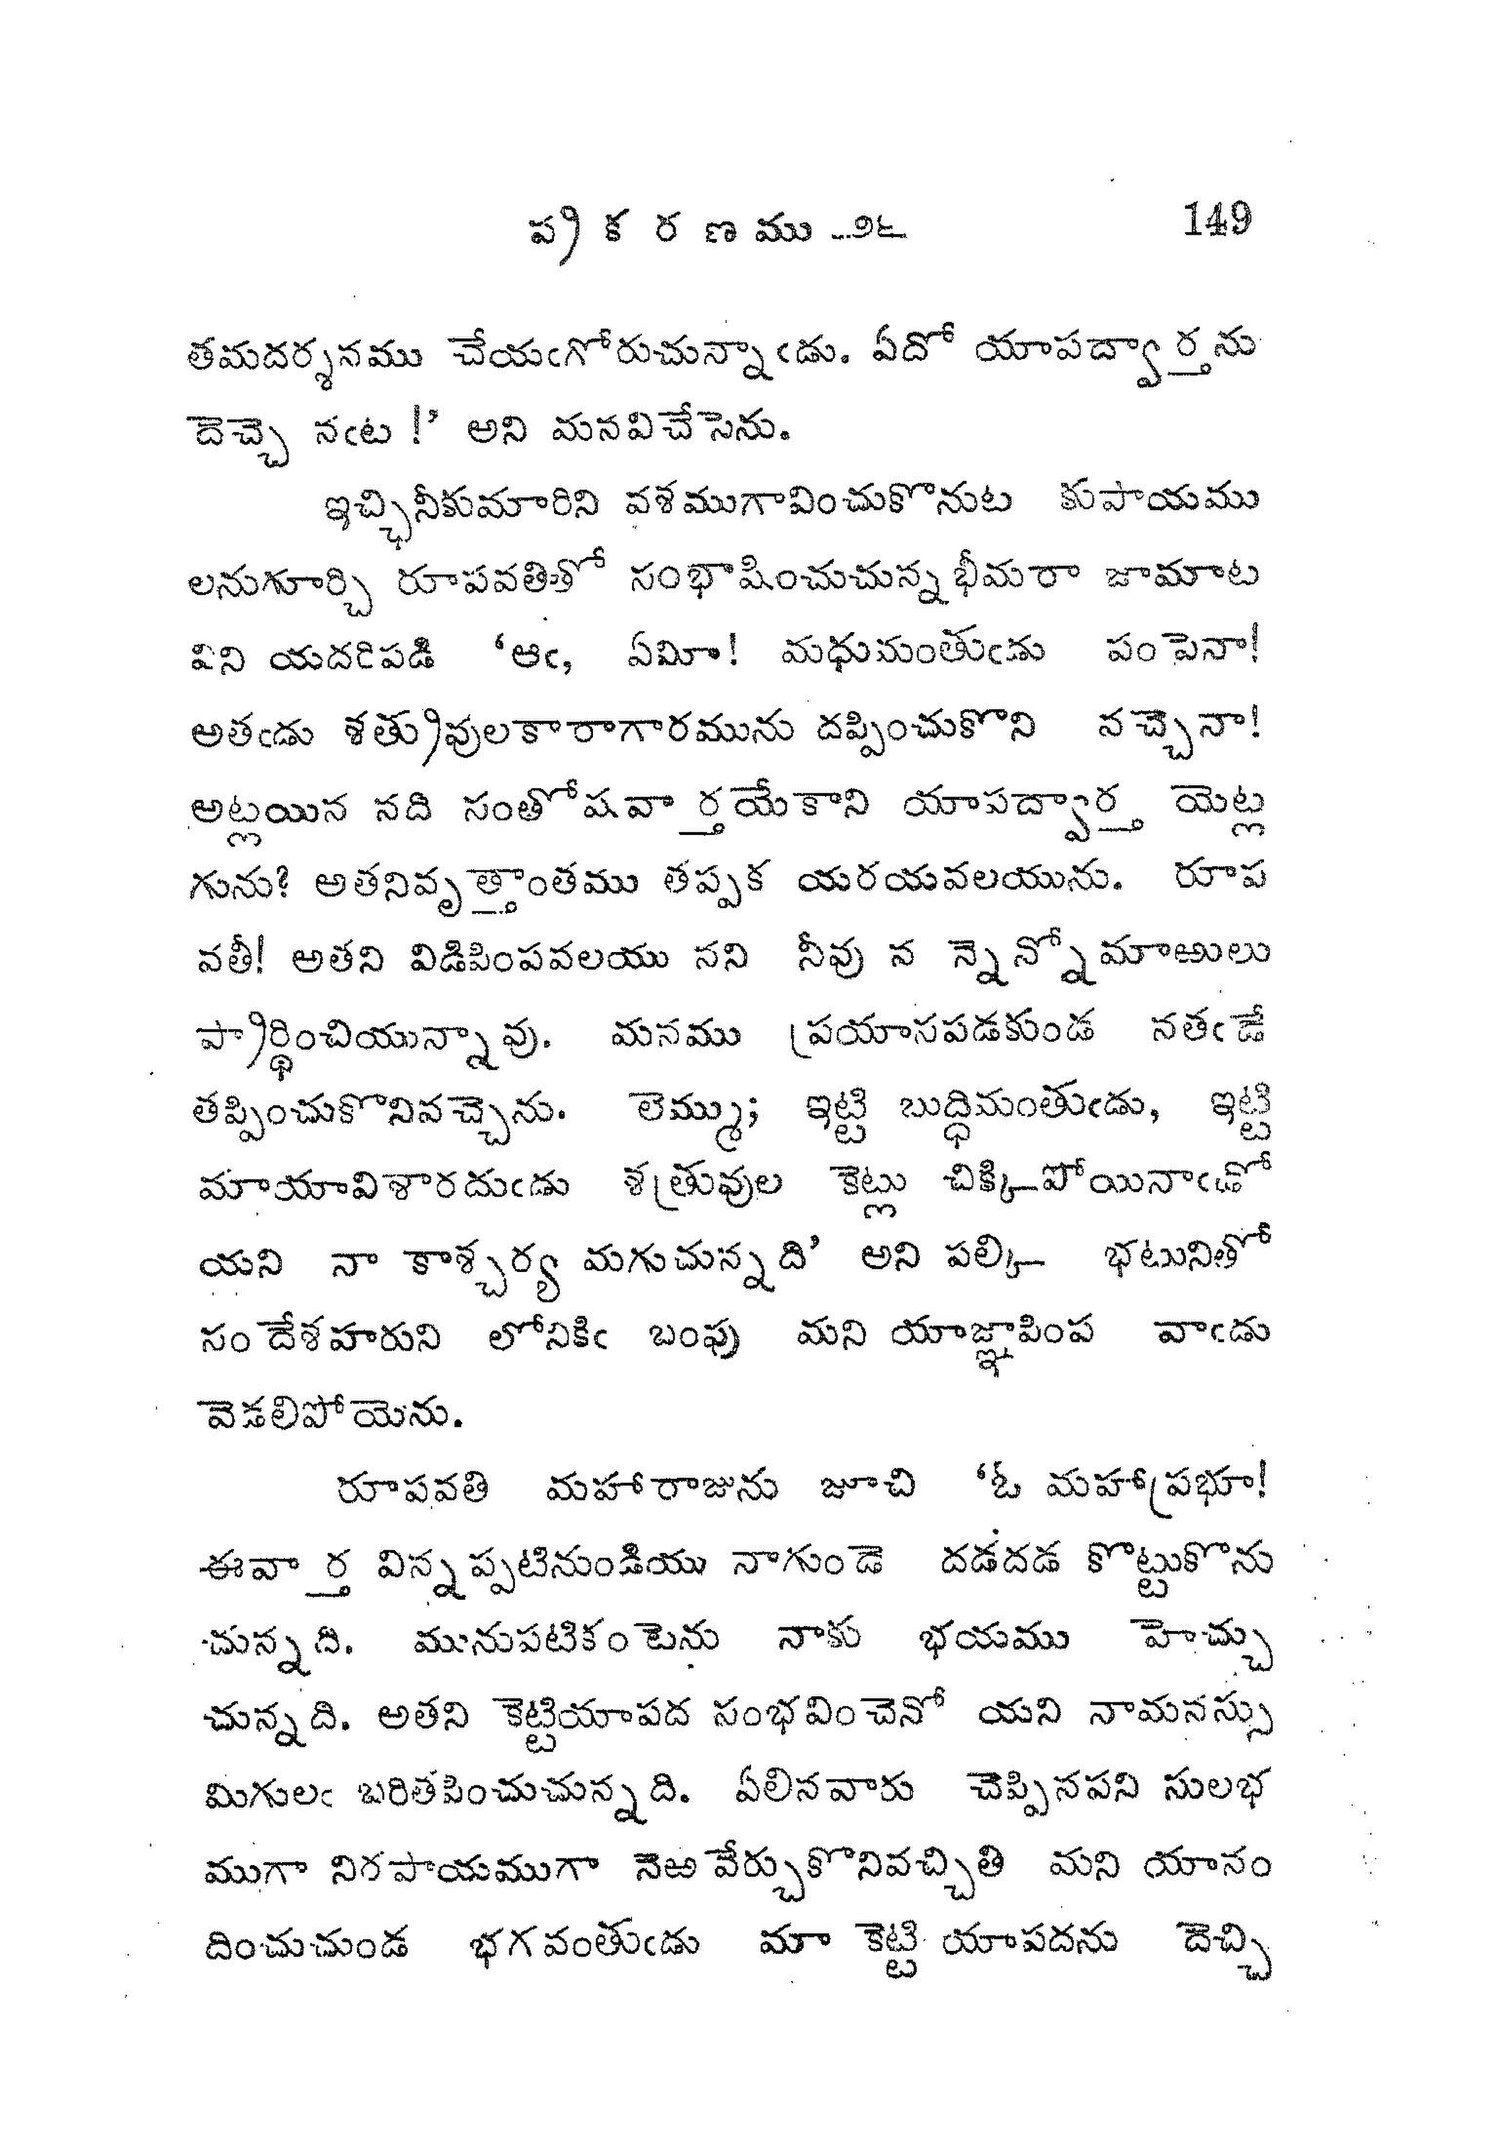ఏని యదరిపడి
తమదర్శనము చేయఁగోరుచున్నాఁడు. ఏదో యాపద్వార్తను
దెచ్చె నఁట !' అని మనవి చేసెను.

ఇచ్ఛినీకుమారిని వశముగావించుకొనుట కుపాయము
లనుగూర్చి రూపవతితో సంభాషించుచున్న భీమరా జామాట
విని యదిరిపడి “ఆఁ, ఏమీ! మధుమంతుఁడు పంపెనా!
అతఁడు శత్రువుల కారాగారమును దప్పించుకొని వచ్చెనా!
అట్లయిన నది సంతోషవార్తయే కాని యాపద్వార్త యెట్ల
గును? అతని వృత్తాంతము తప్పక యరయవలయును. రూప
నతీ! అతని విడిపింపవలయు నని నీవు న న్నెన్నోమారులు
ప్రార్థించియున్నావు. మనము ప్రయాసపడకుండ నతఁడే
తప్పించుకొనివచ్చెను. లెమ్ము; ఇట్టి బుద్ధిమంతుఁడు, ఇట్టి
మాయావిశారదుఁడు శత్రువుల కెట్లు చిక్కిపోయినాఁడో
నా కాశ్చర్య మగుచున్నది' అని పల్కి భటునితో
సం దేశహరుని లోనికిఁ బంపు మని యాజ్ఞాపింప వాడు
వెడలిపోయెను.

రూపవతి మహా రాజును “ఓ మహాప్రభూ!
ఈ వార్త విన్న ప్పటినుండియు నాగుండె దడదడ కొట్టుకొను
చున్నది. మునుపటికంటెను నాకు
భయము హెచ్చుచున్నది. అతని కెట్టియాపద సంభవించెనో యని నామనస్సు
మిగులఁ బరితపించుచున్నది. ఏలినవారు చెప్పినపని సులభ
ముగా నిరపాయముగా నెఱవేర్చుకొనివచ్చితి మని యానం
దించుచుండ భగవంతుఁడు మా కెట్టి యాపదను దెచ్చి